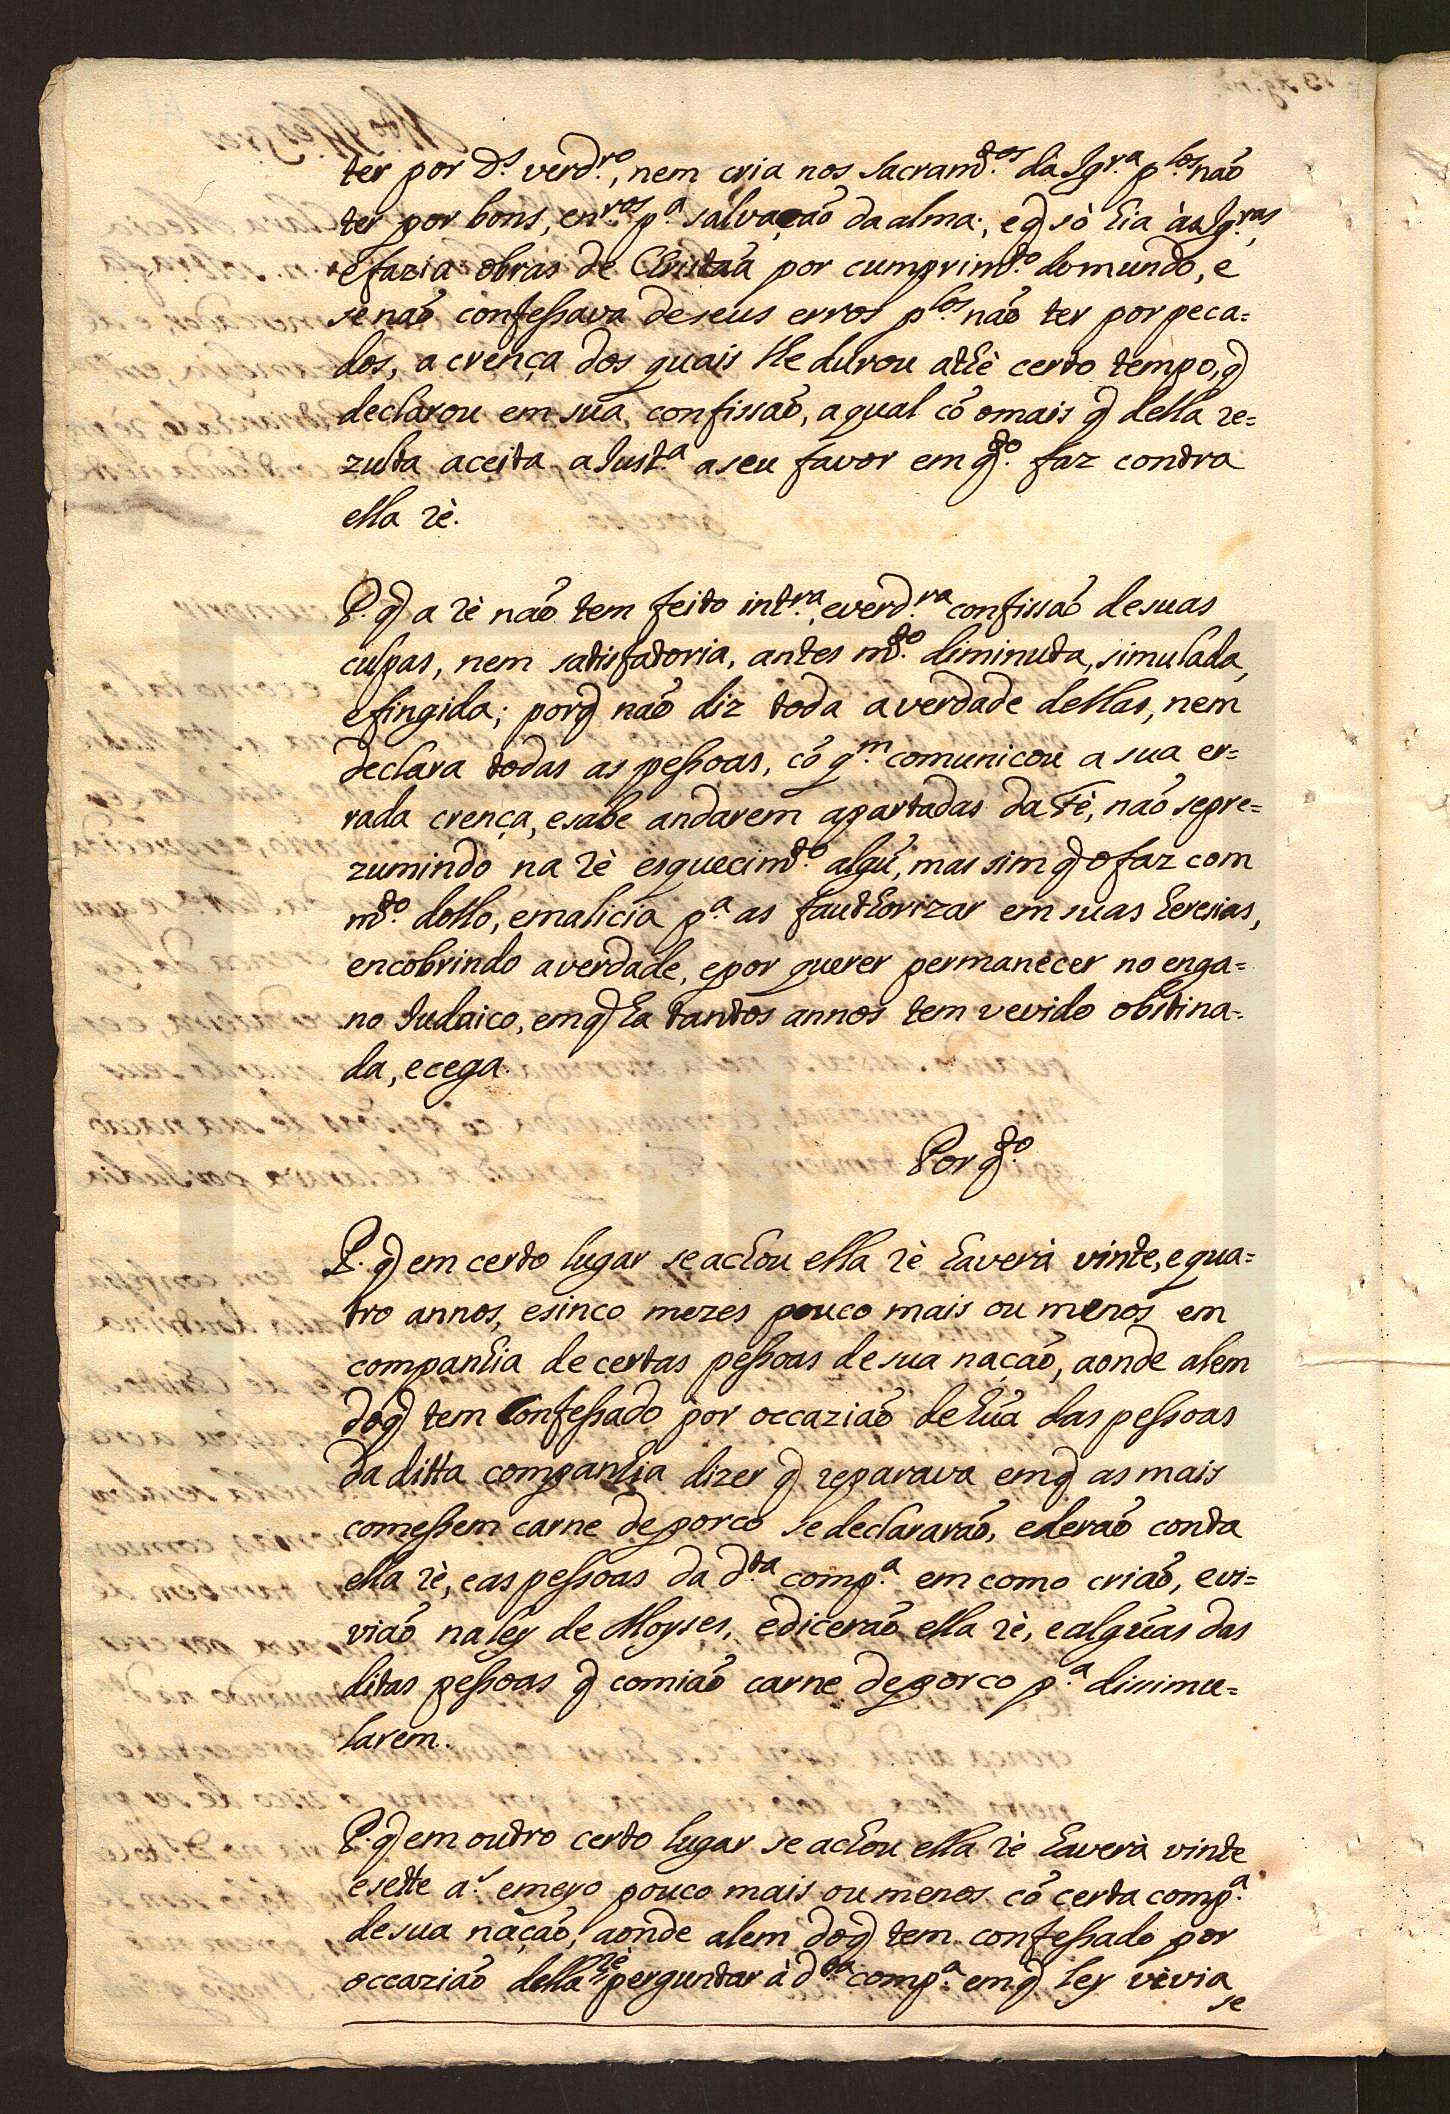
ter por D.s verd.ro, nem cria nos Sacram.tos da Igr.a p.los naõ
ter por bons, en.ros p.a salvaçaõ da alma; e q̄ só hia às Ig.ras,
e fazia obras de Christaã por cumprimt.o do mundo, e
se naõ confessava de seus erros p.los naõ ter por peca
dos, a crença dos quais lhe durou athè certo tempo, q̄
declarou em sua confissaõ, a qual cō o mais q̄ della re
zulta aceita a Iust.a a seu favor em q̄ faz contra
ella ré.
P. q̄ a ré naõ tem feito int.ra, e verd.ra confissaõ de suas
culpas, nem satisfatoria, antes m.to diminuda, simulada,
e fingida; porq̄ naõ diz toda a verdade dellas, nem
declara todas as pessoas, cō q.m comunicou a sua er
rada crença, e sabe andarem apartadas da Fè, naõ se pre
zumindo na Rè esquecim.to algū, mas sim q̄ o faz com
m.to dollo, e malicia p.a as fauthorizar em suas heresias,
encobrindo a verdade, e por querer permanecer no enga
no Iudaico, em q̄ ha tantos annos tem vevido obstina
da, e cega.
Porq.to
P. q̄ em certo lugar se achou ella rè haverá vinte, e qua
tro annos, e sinco mezes pouco mais ou menos en
companhia de certas pessoas de sua naçaõ, aonde alem
do q̅ tem Confessado por occaziaõ de huā das pessoas
da ditta companhia dizer q̄ reparava em q̄ as mais
comessem carne de porco se declararaõ, e deraõ conta
ella rè, e as pessoas da d.ta comp.a em como criaõ, e vi
viaõ na ley de Moyses, e diceraõ ella rè, e algūas das
ditas pessoas q̄ comiaõ carne de porco p.a dissimu
larem.
P. q̄ em outro certo lugar se achou ella rè haverà vinte
e sette ā. e meyo pouco mais ou menos cō certa comp.a
de sua naçaõ, aonde alem do q̄ tem confessado por
occaziaõ della // ré perguntar à d.ta comp.a em q̄ ley vivia
se
